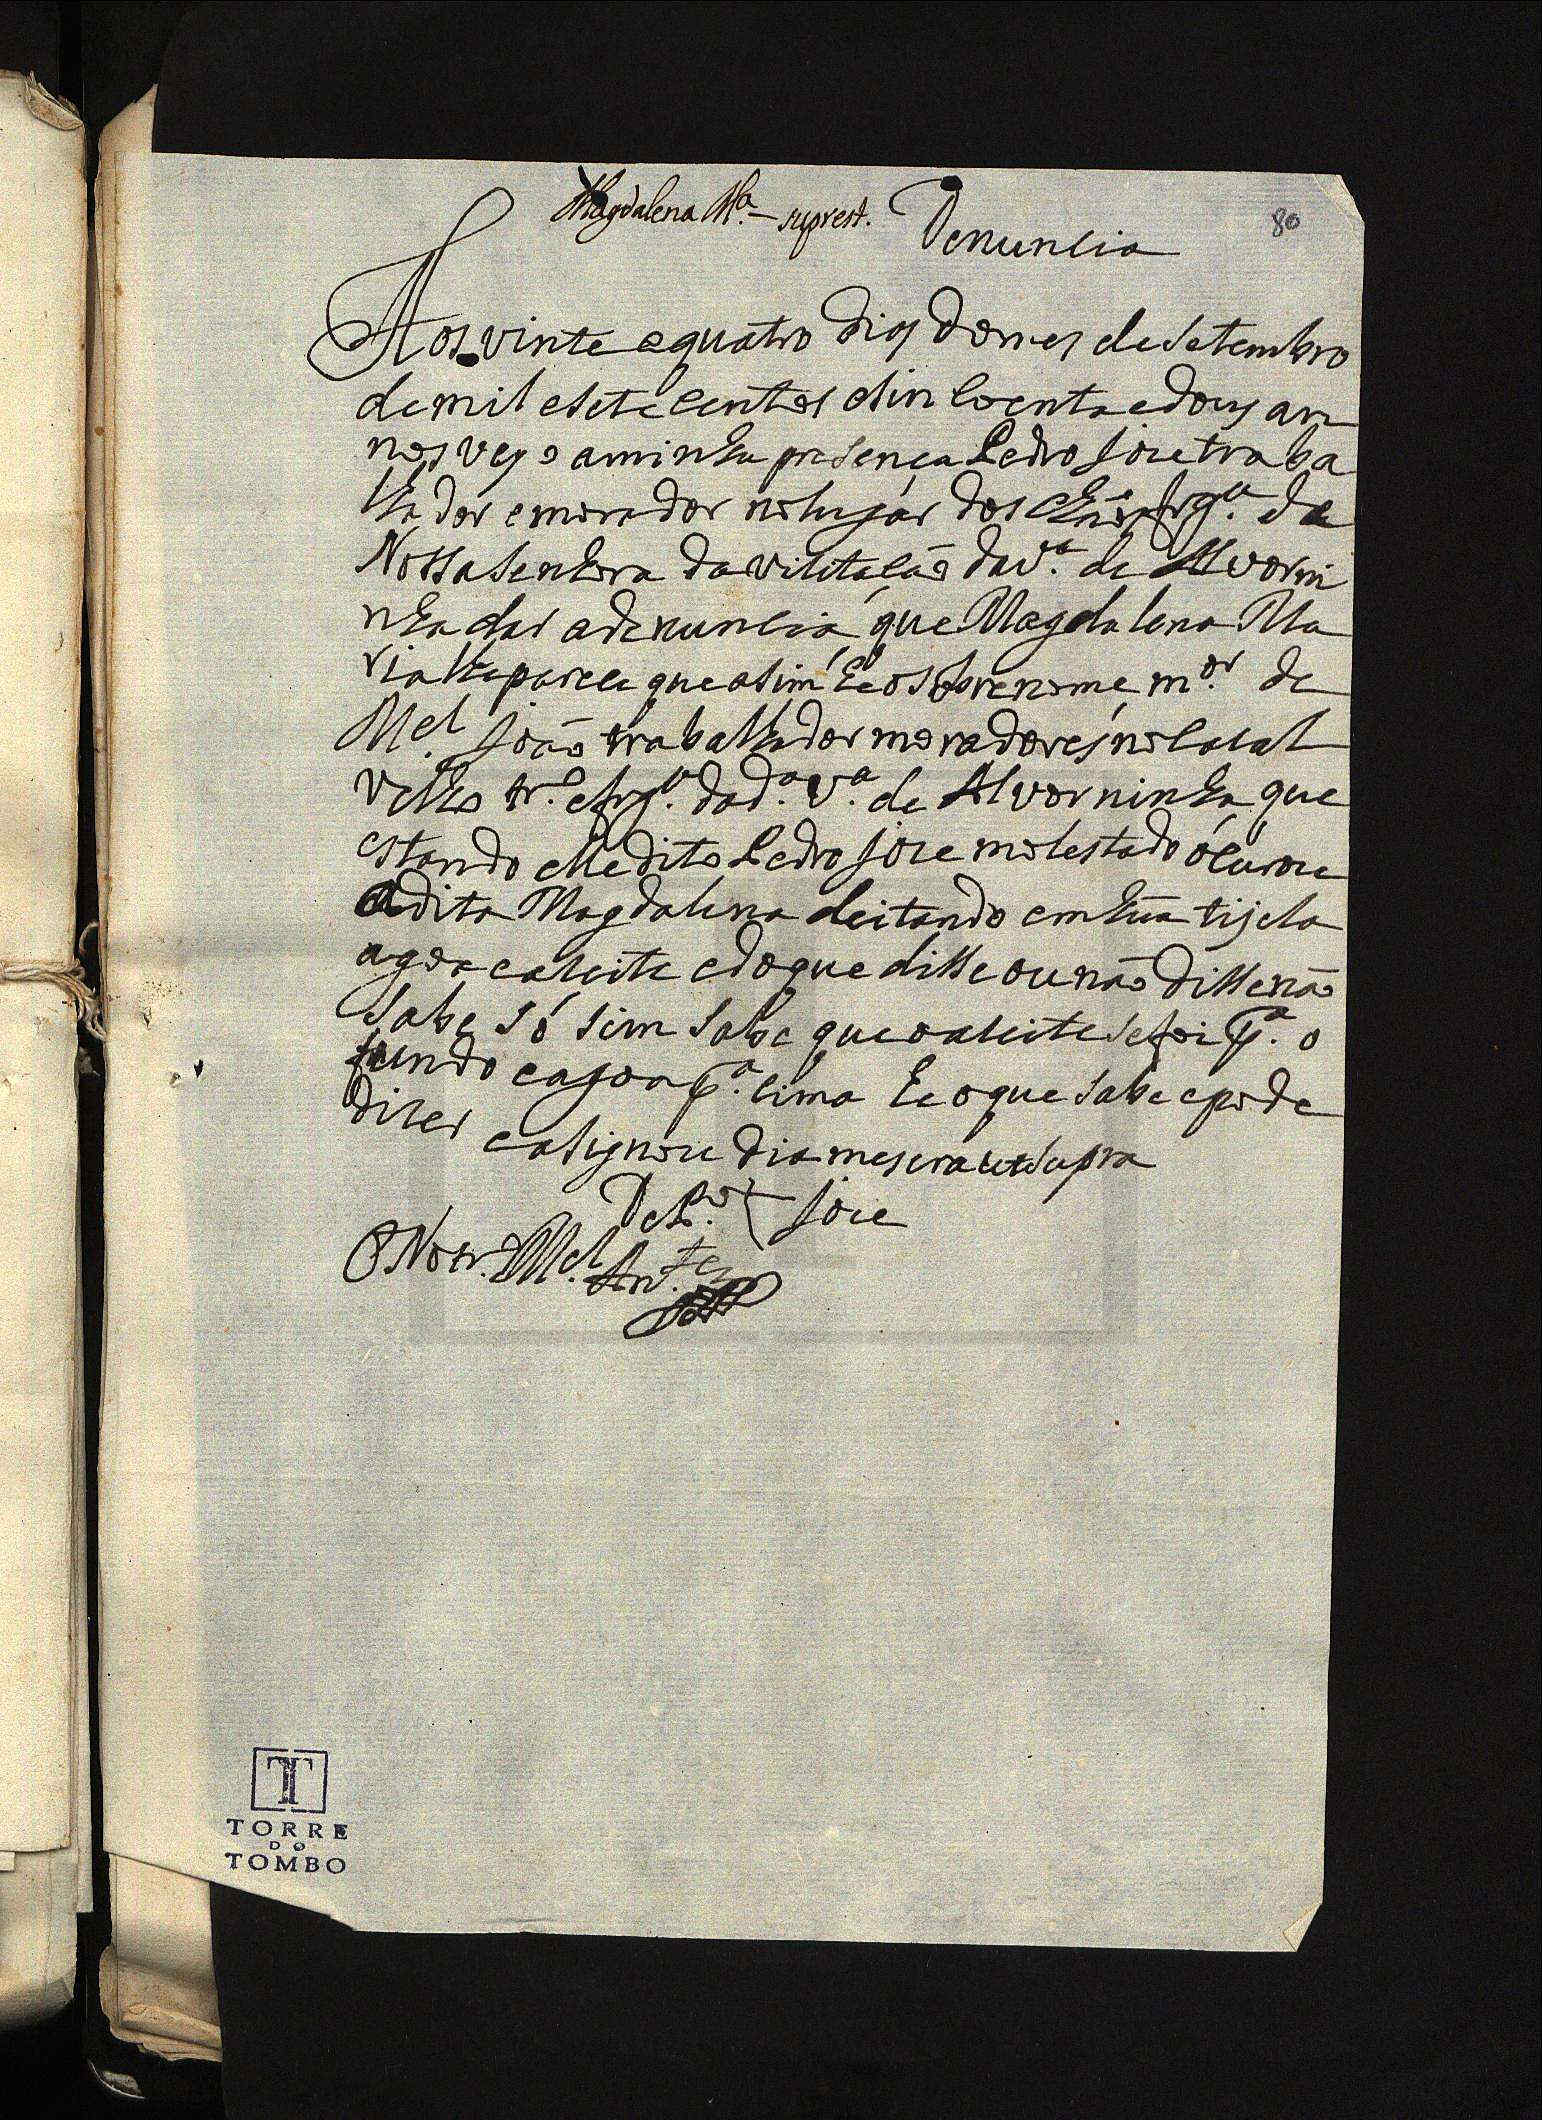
Magdalena M.a -suprest. Denuncia
Aos vinte e quatro dias do mes de setembro
de mil e setecentos e sincoenta e dous an
nos veyo a minha presença Pedro Joze traba
lhador e morador no lugar dos chaõs frg.a de
Nossa Senhora da vizitaçaõ da v.a de Alvorni
nha dar a denuncia que Magdalena Ma
ria lhe parece que asim he o sobrenome, m.er de
M.el João trabalhador moradores no cazal
velho tr.o e frg.a da d.a V.a de Alvorninha, que
estando elle dito Pedro Joze molestado o curou
a dita Magdalena deitando em hūa tijela
agoa e azeite e do que disse ou naõ disse naõ
Sabe só sim sabe que o azeite se foi p.a o
fundo e agoa p.a cima he o que sabe e pode
dizer e asignou dia mes era ut supra
De P.o + Joze
O Notr.o M.el Anto
